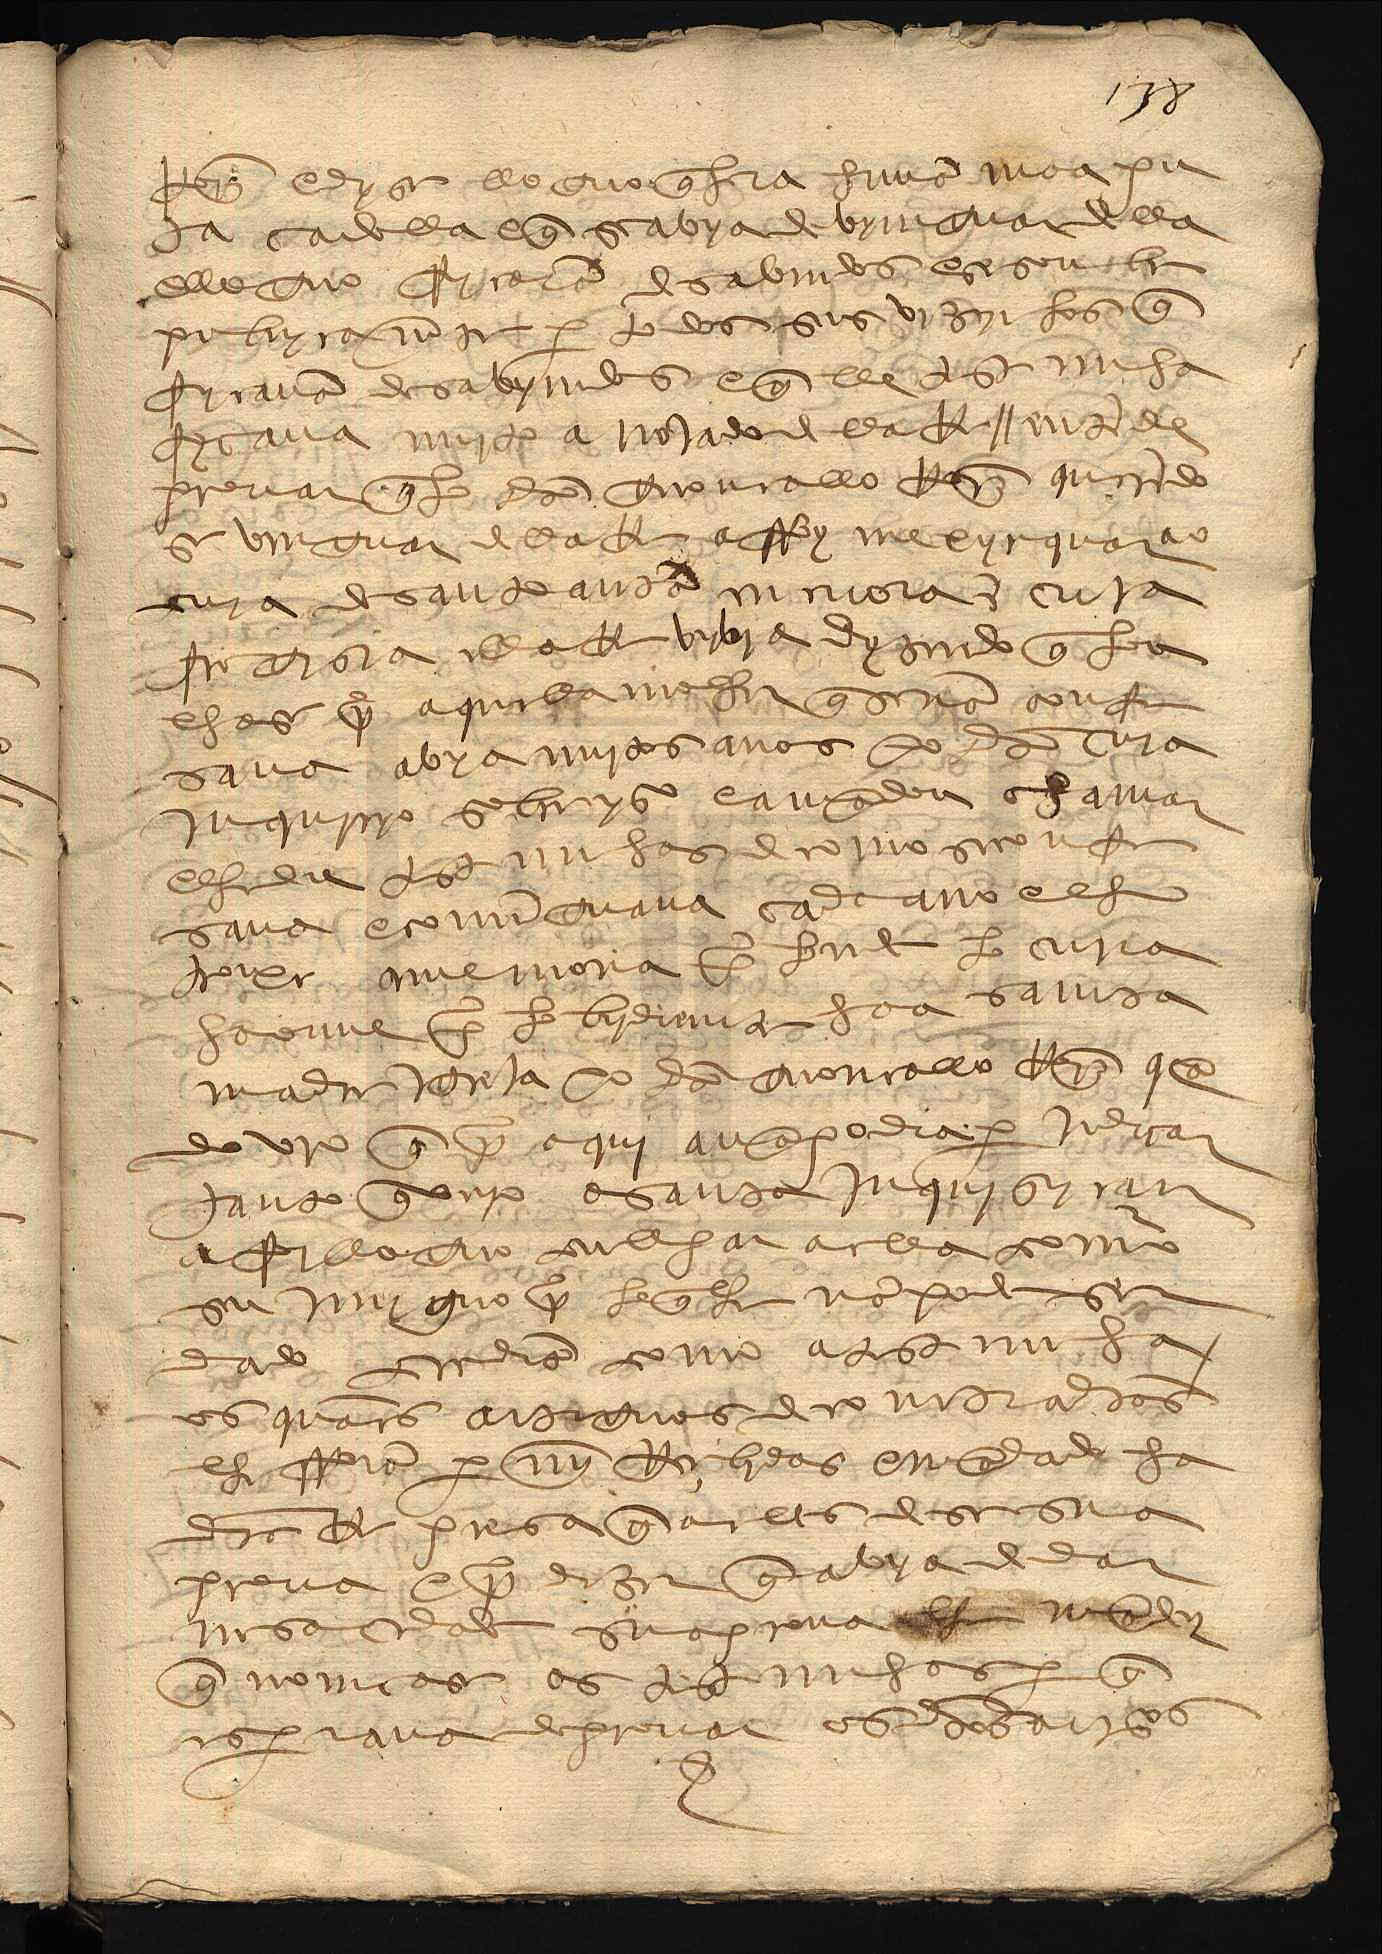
Rōjz e dyse lloguo q̄ hera huuā maa pu
ta cadella e q̄ se avya de vymguar della
e lloguo fjcarā desavindos e se soube
pobrycam̄te ꝑ todos seus vizynhos q̄
fycauā desavymdos e q̄ elle testemunha
fycaua mujto anoJado della Re // entēde
prouar q̄ ho dt̄o guoncallo Roj̄z querēdo
se vinguar della Re a ffoy mexyriquar ao
cura de santo antā en euora ē cuja
fregjsia ella Re vyvja dyzendo q̄ hou
lhase p̄o aquella molher q̄ se nā confe
saua avya mujtos anos e o dt̄o cura
Jnqujryo sobre yso e a mādou chamar
e lhe deu testemuhas de como se confe
saua e comūgaua cada ano e lho
trouxe a memoria p̄o honde ho cura
ha ouue p̄o hobydiemte haa samta
madre JgreJa e o dt̄o guoncallo Rōjz quā
do vjo q̄ p̄o aquj a nā podia ꝑJudicar
tanto q̄ veyo a santa Jnqujsyçam
a foj lloguo cullpar a ella como
seu Jmjguo p̄o ho q̄ lhe nā pode ser
dado credito como a testemuha /
os quaes artiguos de comtradt̄as
lhe fforā ꝑ m̄j Reçebjdos e mādado ha
dt̄a Re presa q̄ a elles dese sua
proua e p̄o dizer q̄ avya de dar
nesa cidade sua proua lhe mādey
q̄ nomease as testemuhas ꝑ q̄
esꝑraua de prouar os dt̄os artos
